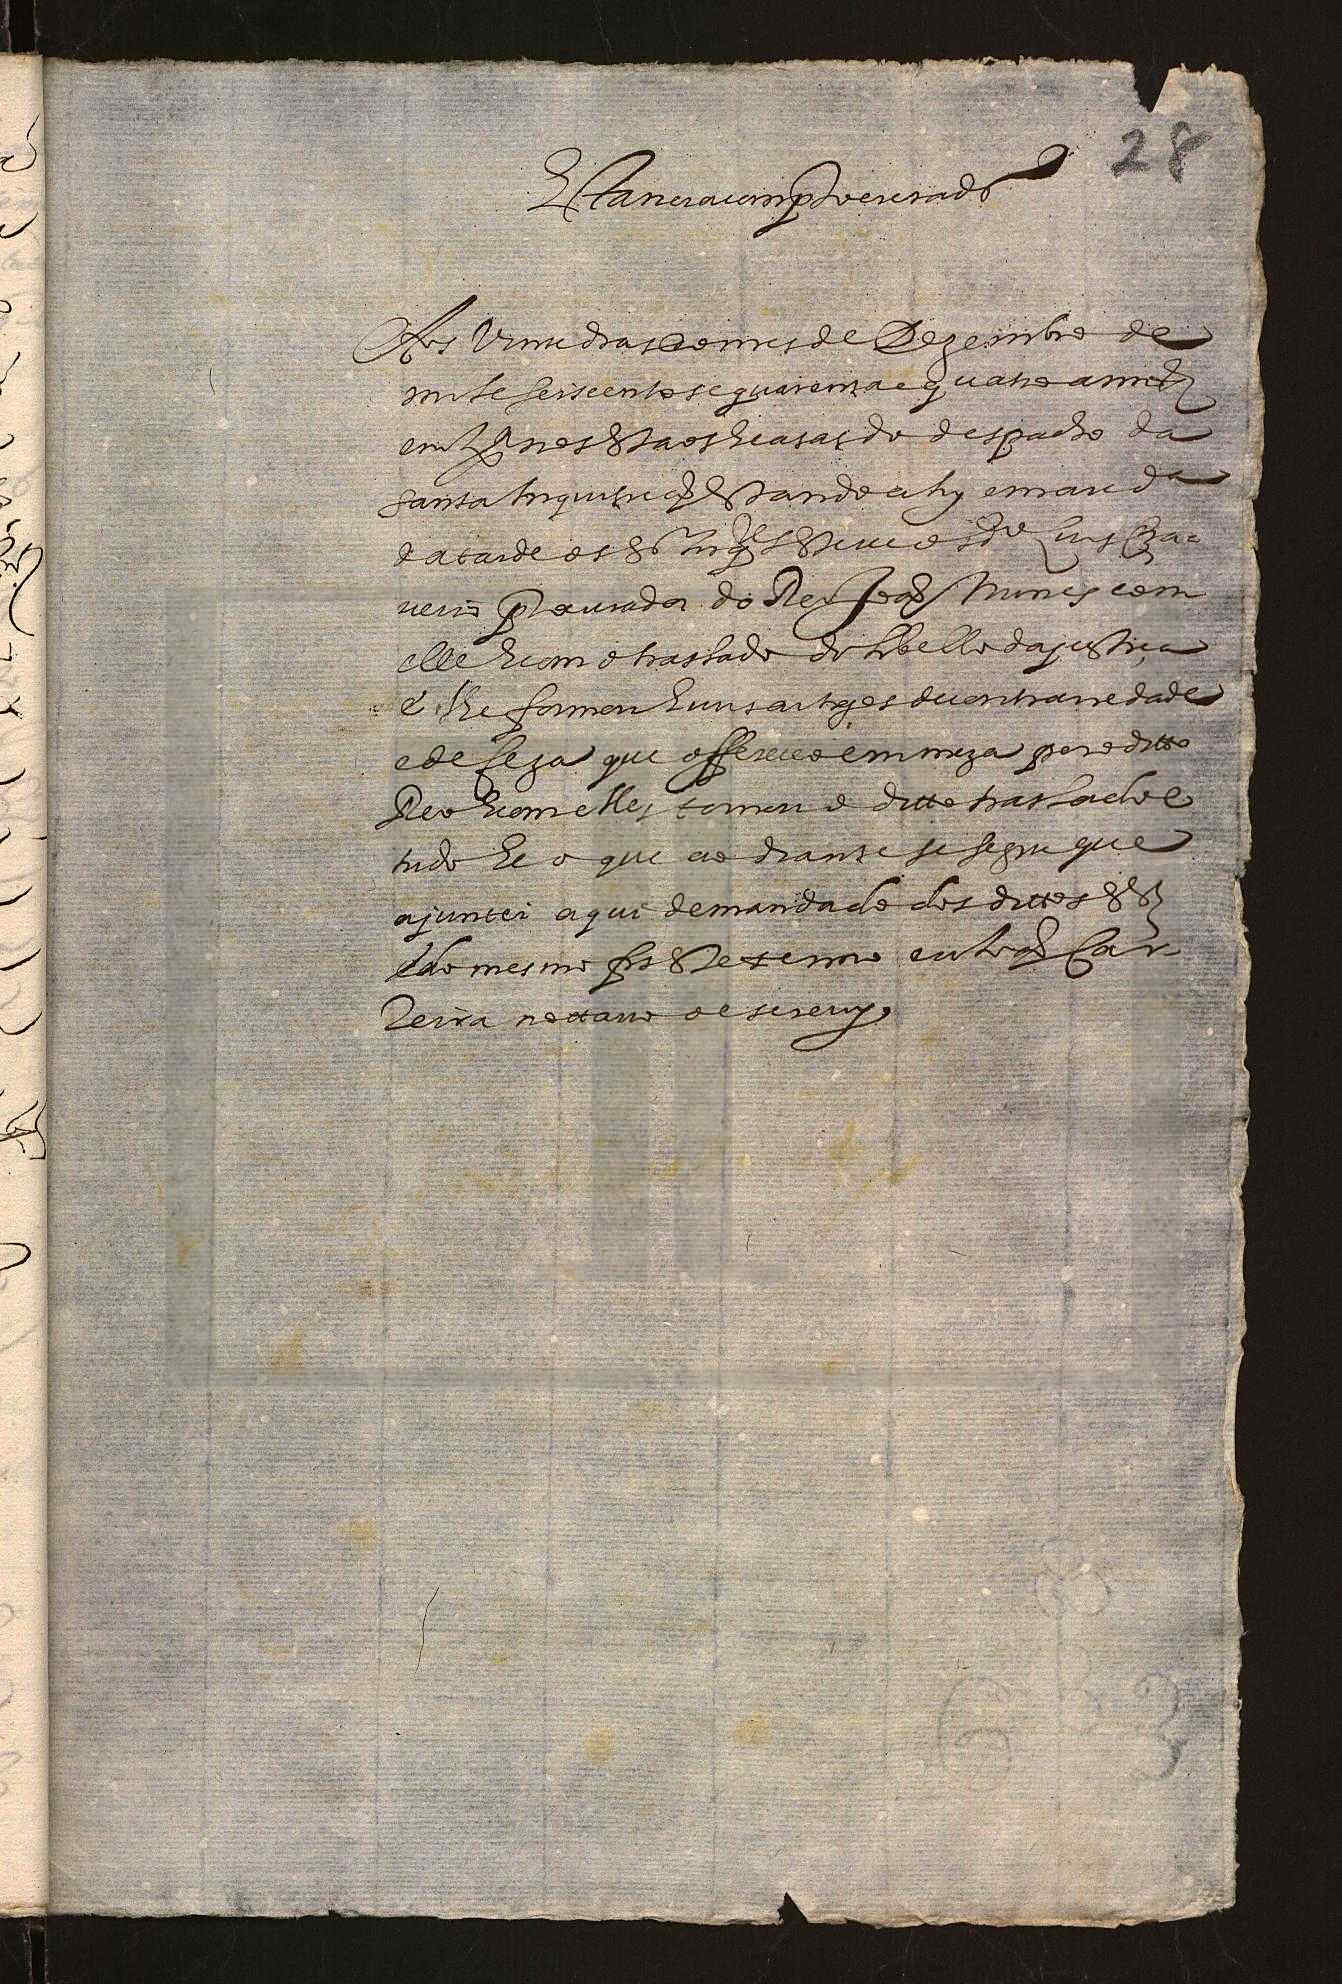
Estancia com procuradr
Aos vinte dias do mes de Dezembro de
mil e seiscentos e quarenta e quatro annos
em Lxa nos estaos E casas do despacho da
santa Inquisiçaõ estando ahy em auda
da tarde os srs Inqres esteue o Ldo Luis Cra
uerio procurador do Reo Joaõ Nunes com
elle E com o traslado do libello da justiça
e lhe formou huns artigos de contrariedade
e defeza que offereceo em meza por o ditto
Reo E com elles tomou o ditto traslado e
tudo he o que ao diante se segue que
ajuntei aqui de mandado dos dittos ss̄
e do mesmo fis este termo eu Ioaõ Car
Reira nottario o escreuy
